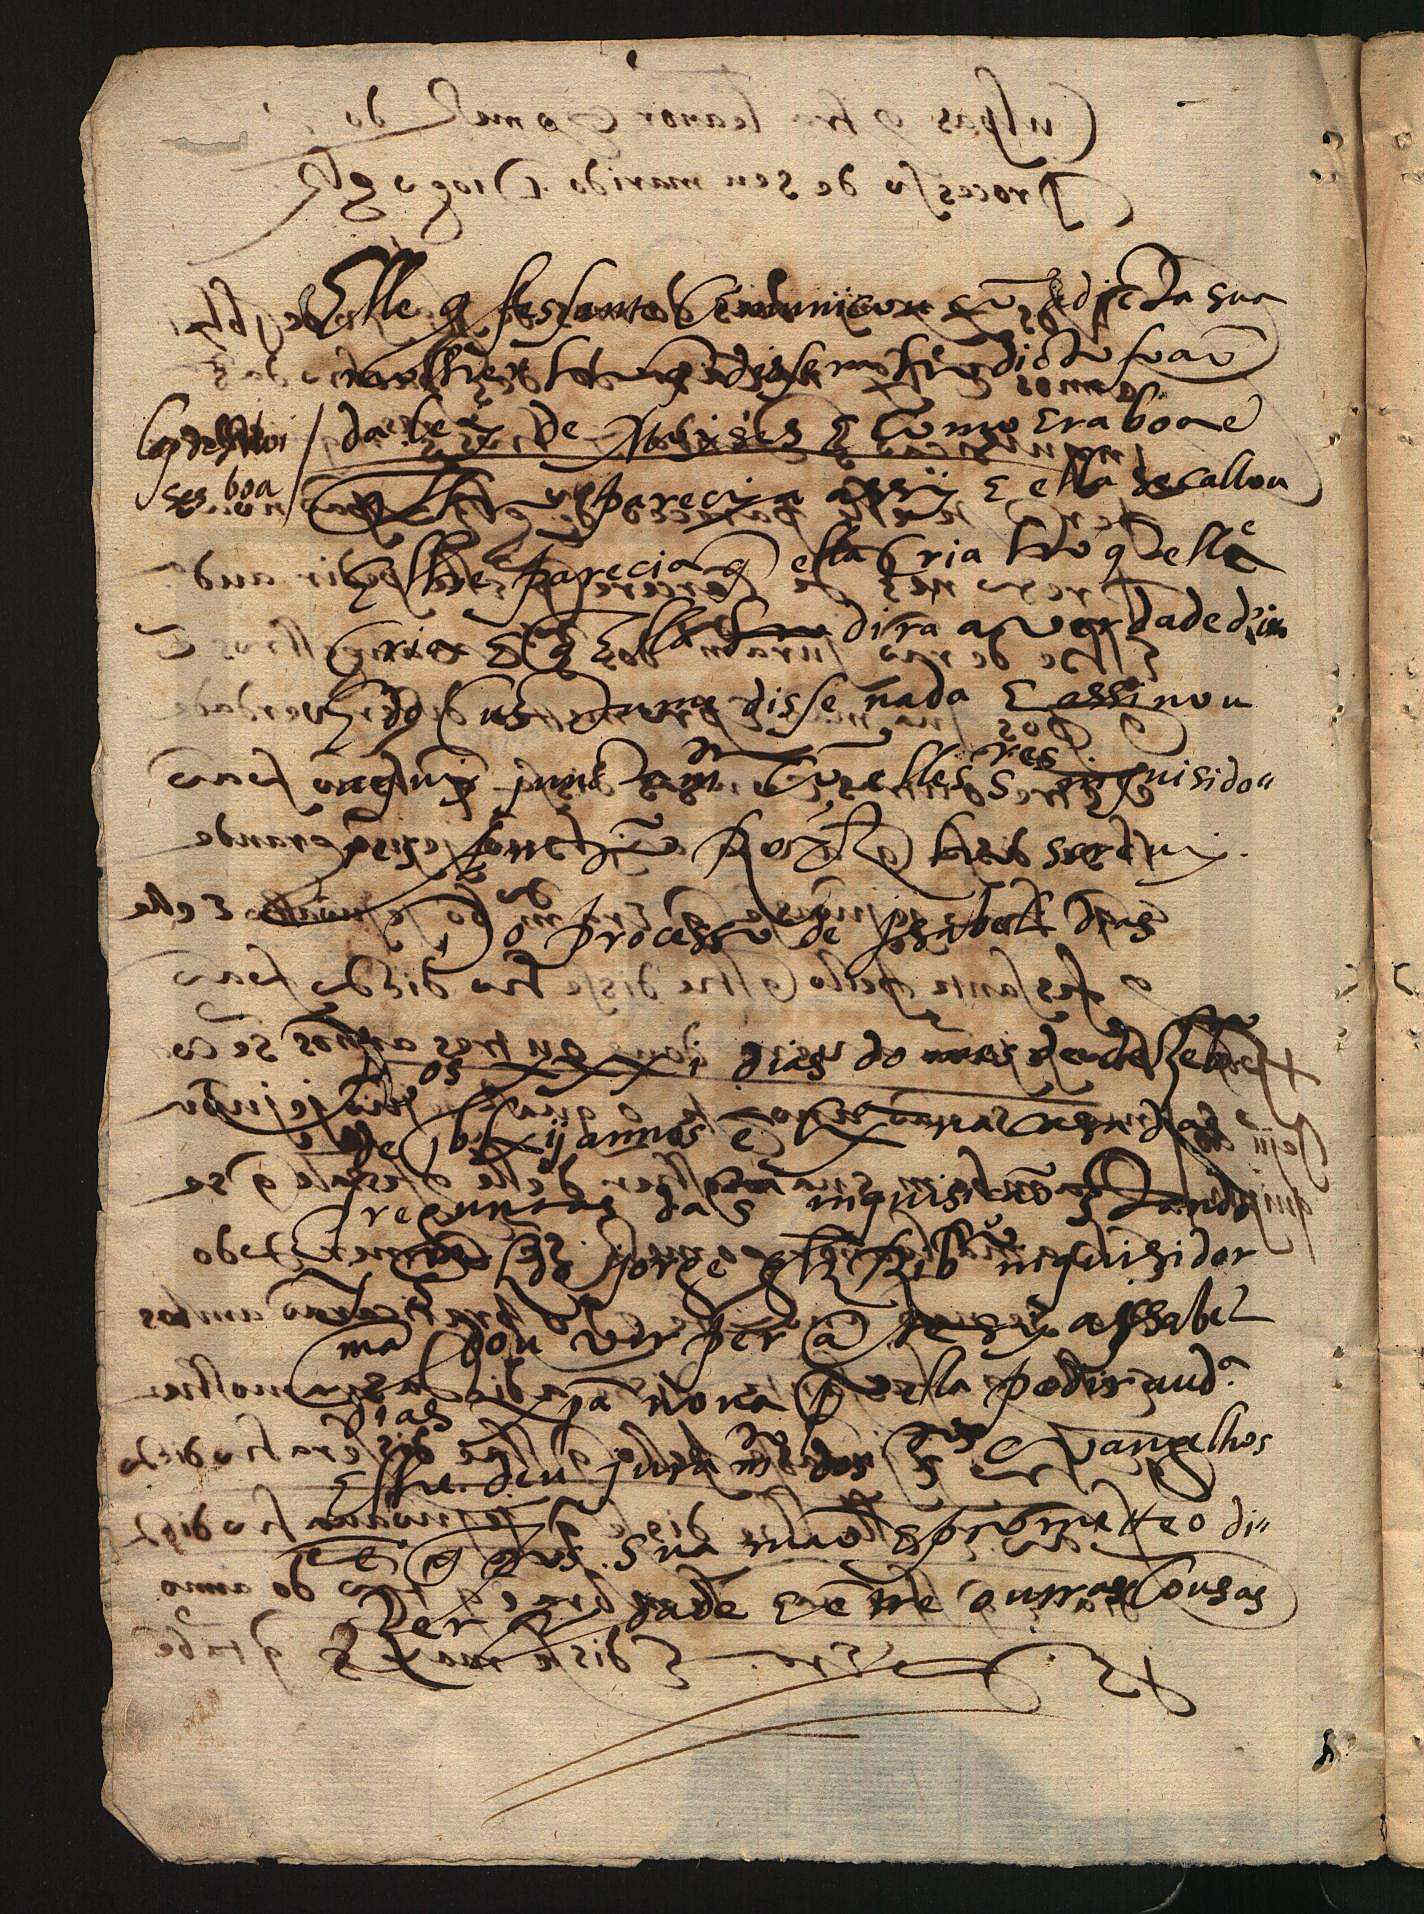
Elle ꝯfessante Comunicou cō a dicta sua
molher ho q̄ dissera ho dicto foaõ
da ley de Moyses E como era boa e
lej de Moi
ses boa
q̄ lhe parecya assy E ella se callou
E lhe parecia q̄ ella Cria ho q̄ ella
Cria E q̄ Ella ho dira a verdade dice?
E do Custume disse nada E assinou
aquy junctamte cō elles sres inquisido
res Antō Roiz̄ ho screuy.
Do processo de jsabeL dias
Aos XXXi dias do mes de dezero
de ibLxij annos ē Lxa na casa das
preguntas da sta inquisiçaõ stando
y sr Ldo jorge glz̄ Ribro inquisidor
mādou vir perāte sy a jsabeL
dias Xpā noua p̄o ella pedir aud.a
E lhe deu juramto dos Stos evangelhos
ē q̄ pos sua mão E prometteo di
zer ꝟdade E ētre outras Cousas
